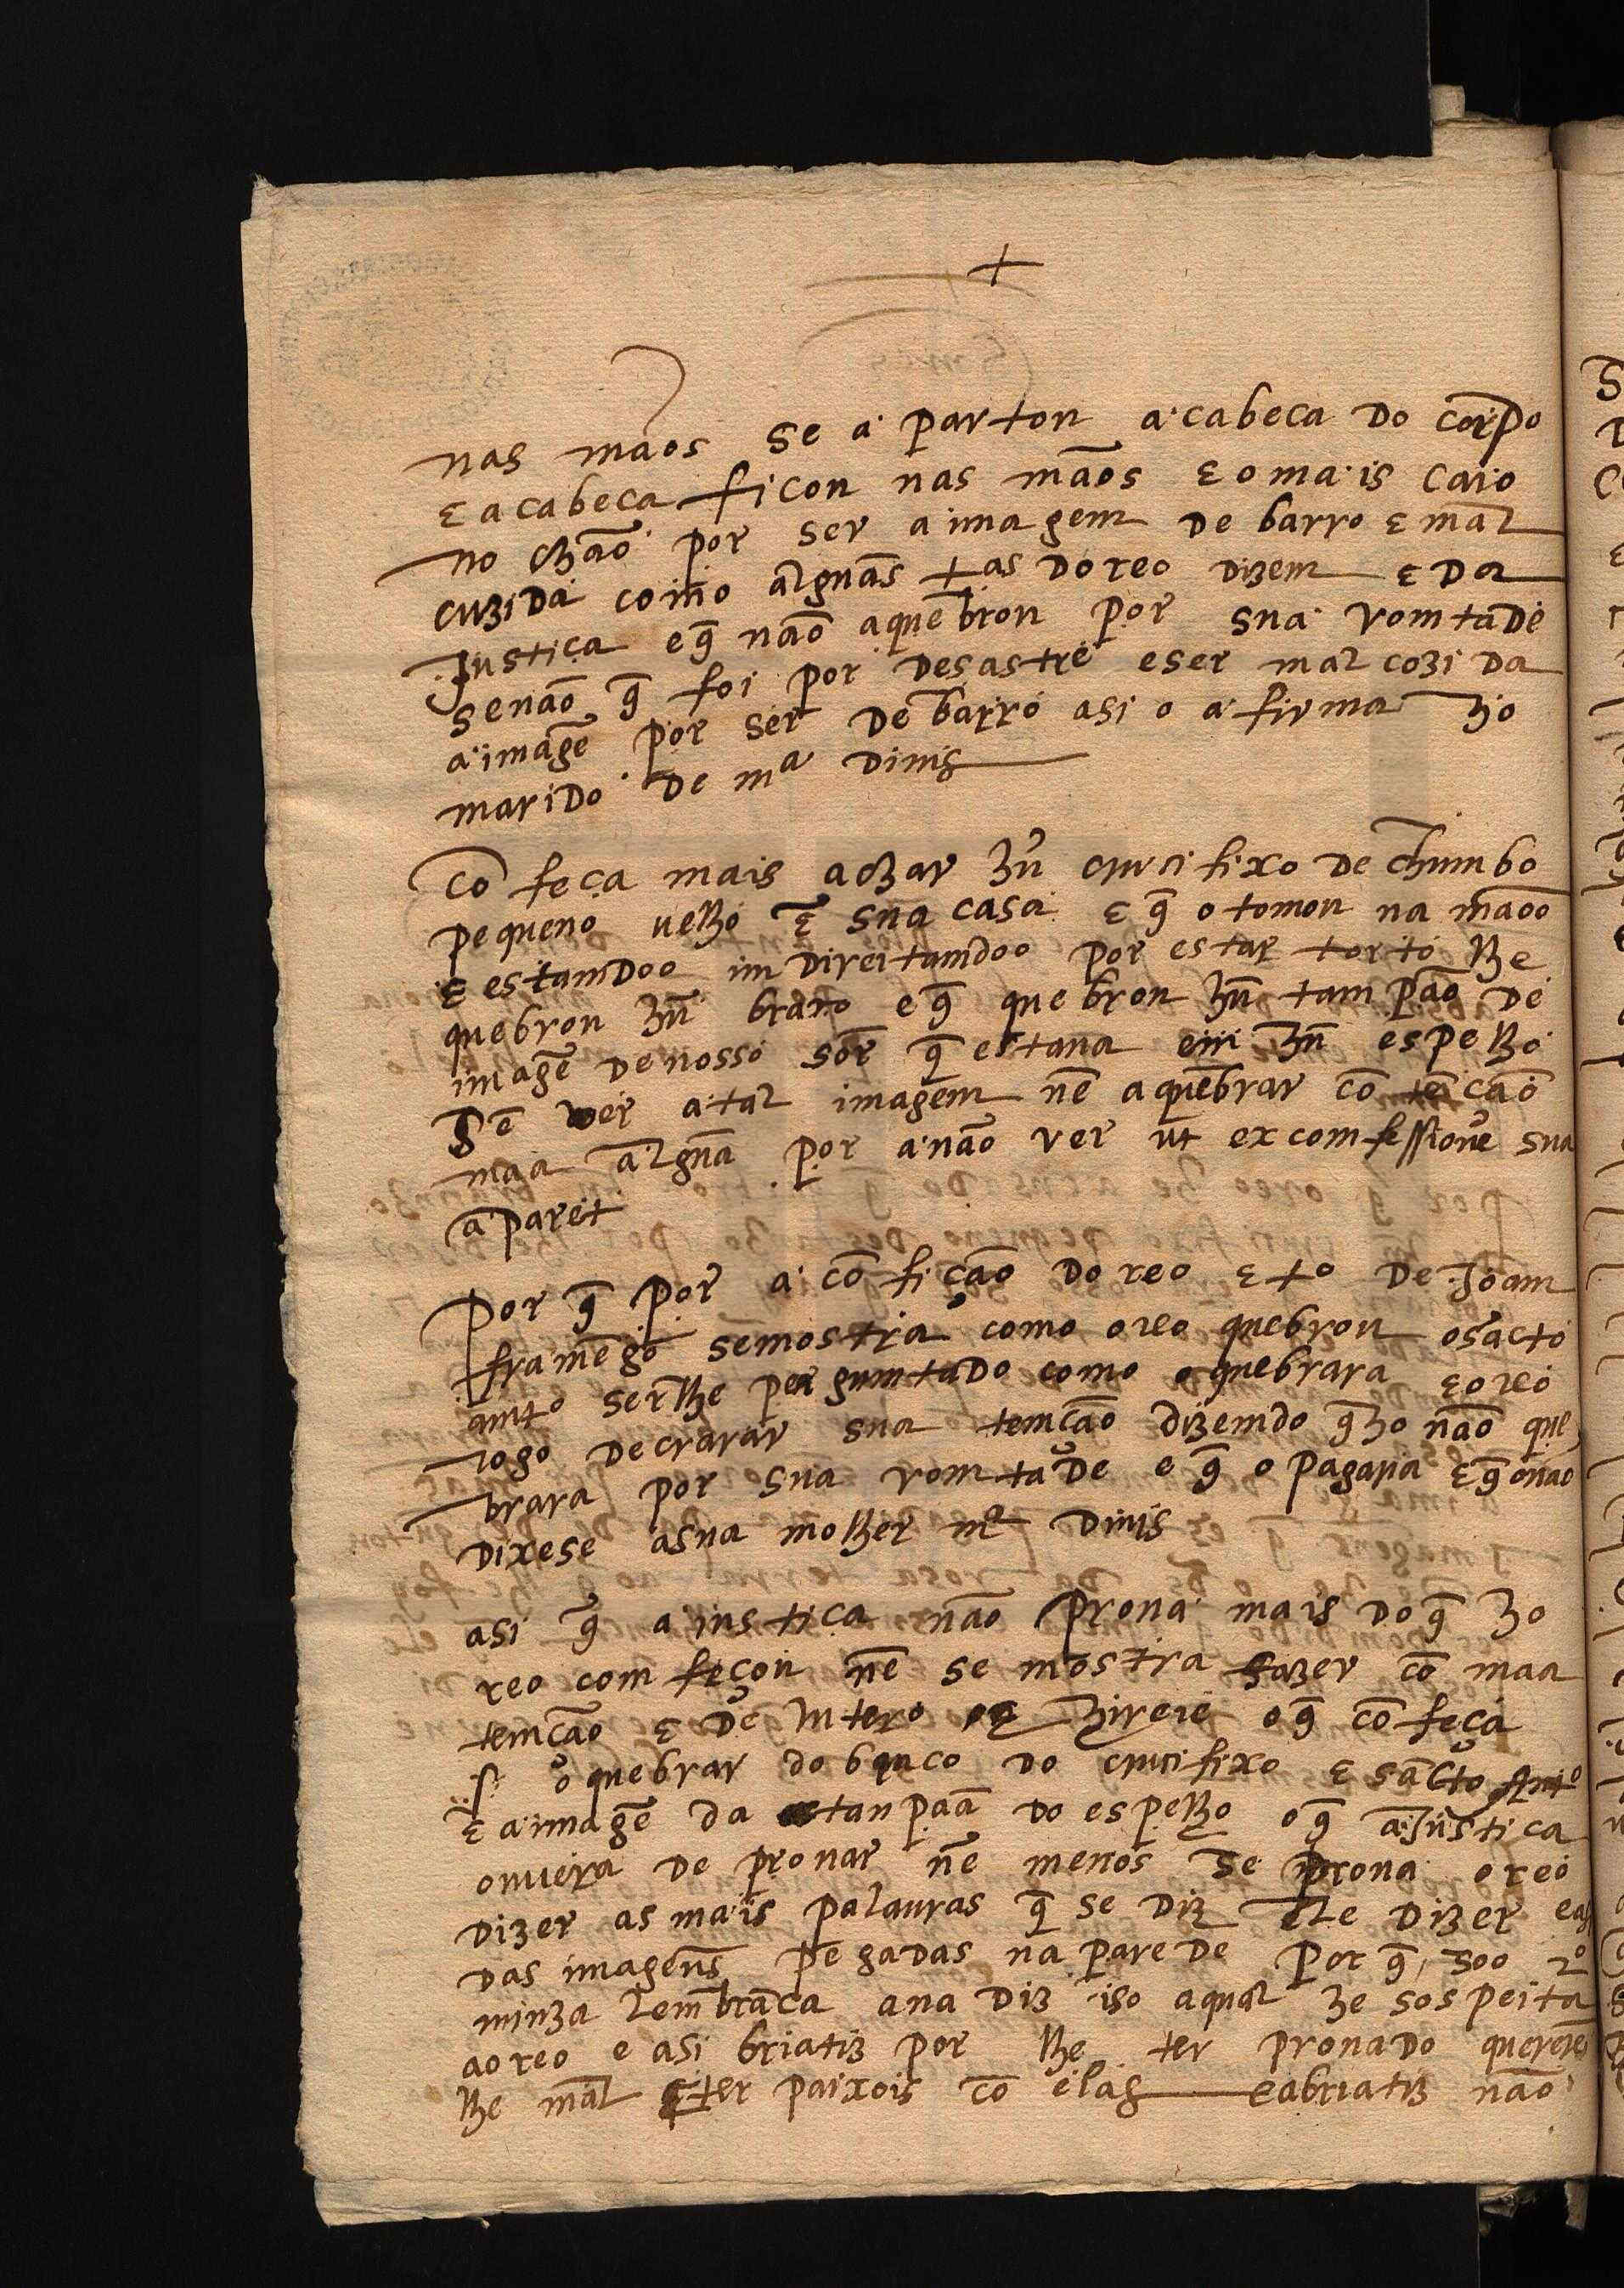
nas mãos se apartou a cabeça do corpo
E a cabeça ficou nas mãos e o mais caio
no chão por ser a imagem de barro e maL
cuzida como alguās tas do reo dizem e da
Justiça e q̄ não a quēbrou por sua vomtade
senão q̄ foi por desastre e ser mal cozida
a imagē por ser de barro asi o afirma ho
marido de ma dinis
C̄ofeça mais achar hū crucifixo de chumbo
pequeno uelho Ē sua casa E q̄ o tomou na mãoo
E estamdoo imdireitamdoo por estar torto lhe
quebrou hū braço e q̄ quebrou hū tampão de
imagē de nosso sōr q̅ estaua em hū espelho
Sē ver a tal imagem nē a quēbrar c̄o tēção
maa algūa por a não ver ut ex comfessionē sua
aparet
Porq̄ por a cōfição do reo E to de Joam
framēgo se mostra como o reo quebrou o sācto
amto ser lhe pergumtado como o quebrara E o reo
logo decrarar sua temção dizemdo q̄ ho não que
brara por sua vomtade e q̄ o pagaria E q̄ o não
dixese a sua molher ma dinis
asi q̄ a iustiça não proua mais do q̄ ho
reo comfeçou n̄e se mostra fazer c̄o maa
temção E de lutero E hireie o q̄ c̄ofeça
.s. o quebrar do brnco do crucifixo E sācto Anto
E a imagē da tanpaā do espelho o q̄ a Justiça
ouuera de prouar nē menos se proua o reo
dizer as mais palauras q̄ se diz ele dizer e as
das imagen̄s pegadas na parede porq̄ soo 2o
minha Lembrāça ana diz iso a qual he sospeita
ao reo e asi briatiz por lhe ter prouado quererē
lhe māL E ter paixois c̄o elas e a briatiz não
